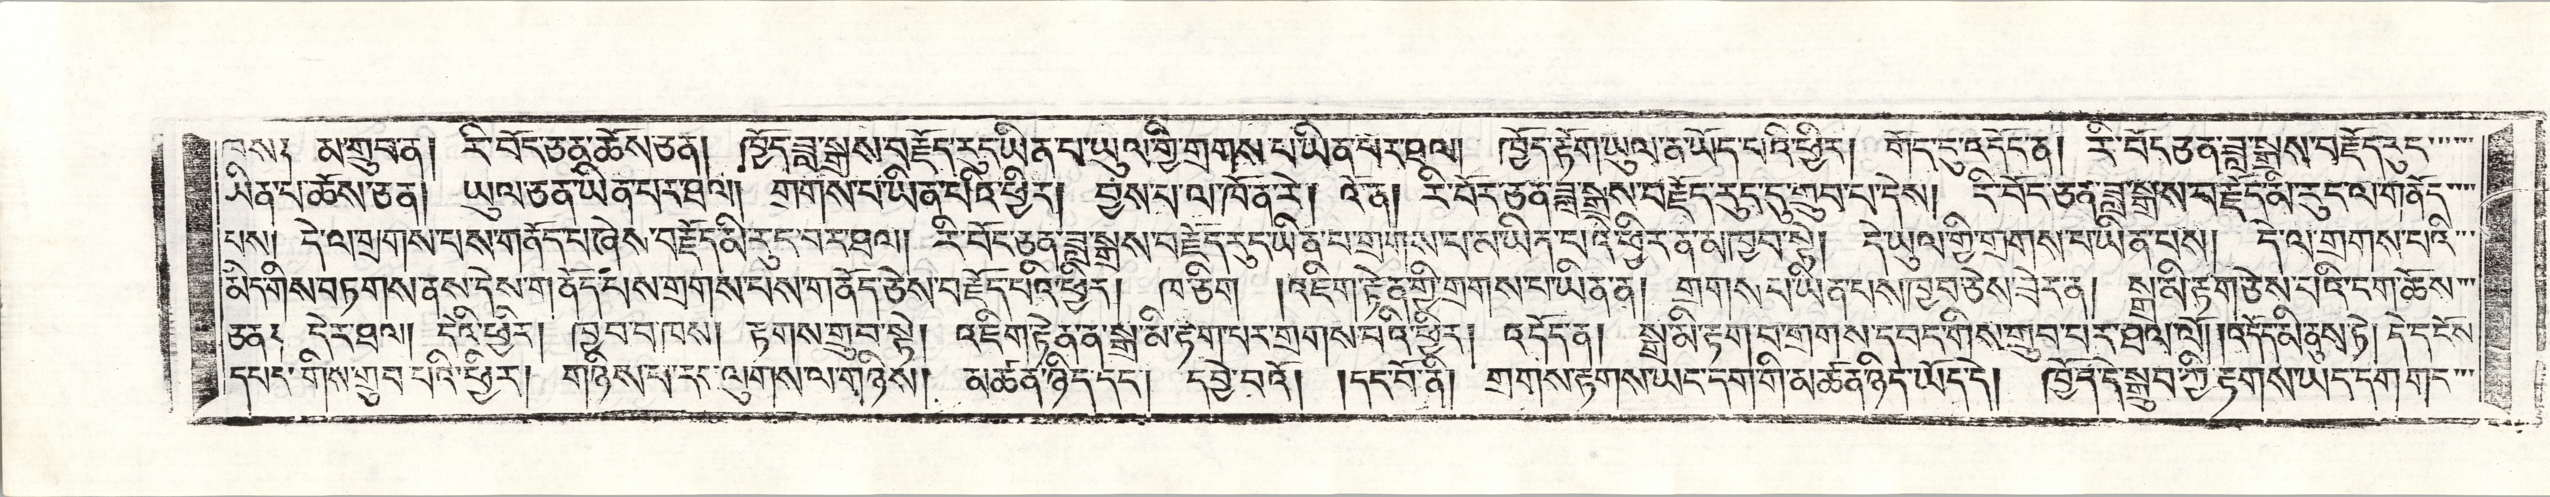ཁས། མ་གྲུབ་ན། རི་བོང་ཅན་ཆོས་ཅན། ཁྱོད་ཟླ་སྒྲས་བརྗོད་རུང་ཡིན་པ་ཡུལ་གྱི་གྲགས་པ་ཡིན་པར་ཐལ། ཁྱོད་རྟོག་ཡུལ་ན་ཡོད་པའི་ཕྱིར། གོང་དུ་འདོད་ན། རི་བོང་ཅན་ཟླ་སྒྲས་བརྗོད་རུང་
ཡིན་པ་ཆོས་ཅན། ཡུལ་ཅན་ཡིན་པར་ཐལ། གྲགས་པ་ཡིན་པའི་ཕྱིར། བྱས་པ་ལ་ཁོ་ན་རེ། འོ་ན། རི་བོང་ཅན་ཟླ་སྒྲས་བརྗོད་རུང་དུ་གྲུབ་པ་དེས། རི་བོང་ཅན་ཟླ་སྒྲས་བརྗོད་མི་རུང་ལ་གནོད་
པས། དེ་ལ་གྲགས་པས་གནོད་པ་ཞེས་བརྗོད་མི་རུང་བར་ཐལ། རི་བོང་ཅན་ཟླ་སྒྲས་བརྗོད་རུང་ཡིན་པ་གྲགས་པ་མ་ཡིན་པའི་ཕྱིར་ན་མ་ཁྱབ་སྟེ། དེ་ཡུལ་གྱི་གྲགས་པ་ཡིན་པས། དེ་ལ་གྲགས་པའི་
མིང་གིས་བཏགས་ནས་དེས་གནོད་པས་གྲགས་པས་གནོད་ཅེས་བརྗོད་པའི་ཕྱིར། ཁ་ཅིག །འཇིག་རྟེན་གྱི་གྲགས་པ་ཡིན་ན། གྲགས་པ་ཡིན་པས་ཁྱབ་ཅེས་ཟེར་ན། སྒྲ་མི་རྟག་ཅེས་པའི་ངག་ཆོས་
ཅན། དེར་ཐལ། དེའི་ཕྱིར། ཁྱབ་པ་ཁས། རྟགས་གྲུབ་སྟེ། འཇིག་རྟེན་ན་སྒྲ་མི་རྟག་པར་གྲགས་པའི་ཕྱིར། འདོད་ན། སྒྲ་མི་རྟག་པ་གྲགས་དབང་གིས་གྲུབ་པར་ཐལ་ལོ། །འདོད་མི་ནུས་ཏེ། དེ་དངོས་
དབང་གིས་གྲུབ་པའི་ཕྱིར། གཉིས་པ་རང་ལུགས་ལ་གཉིས། མཚན་ཉིད་དང་། དབྱེ་བའོ། །དང་པོ་ནི། གྲགས་རྟགས་ཡང་དག་གི་མཚན་ཉིད་ཡོད་དེ། ཁྱོད་དེ་སྒྲུབ་ཀྱི་རྟགས་ཡང་དག་གང་